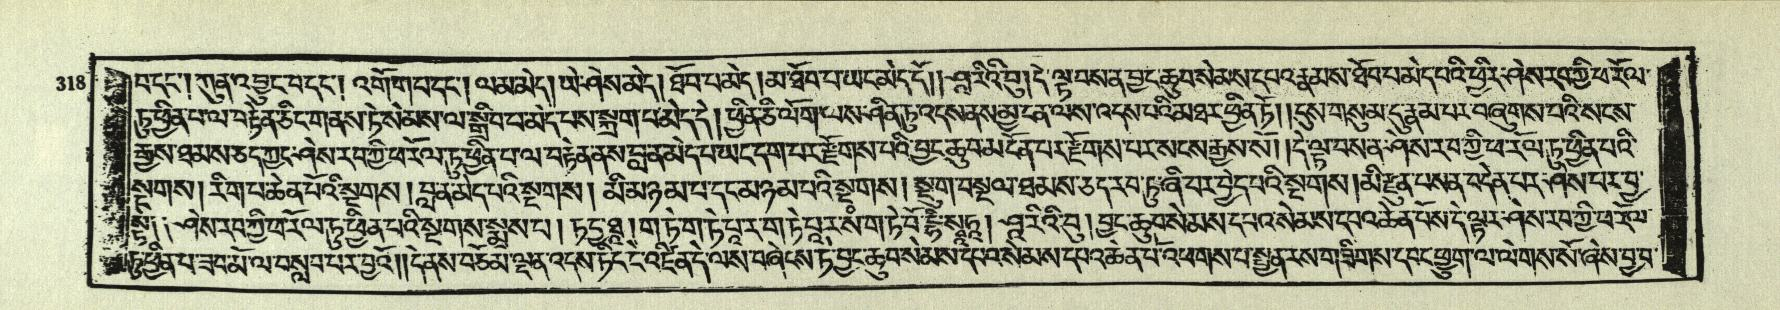བ་དང་། ཀུན་འབྱུང་བ་དང་། འགོག་པ་དང་། ལམ་མེད། ཡེ་ཤེས་མེད། ཐོབ་པ་མེད། མ་ཐོབ་པ་ཡང་མེད་དོ། །ཤཱ་རིའི་བུ། དེ་ལྟ་བས་ན་བྱང་ཆུབ་སེམས་དཔའ་རྣམས་ཐོབ་པ་མེད་པའི་ཕྱིར་ཤེས་རབ་ཀྱི་ཕ་རོལ་
ཏུ་ཕྱིན་པ་ལ་བརྟེན་ཅིང་གནས་ཏེ་སེམས་ལ་སྒྲིབ་པ་མེད་པས་སྐྲག་པ་མེད་དེ། ཕྱིན་ཅི་ལོག་ལས་ཤིན་ཏུ་འདས་ནས་མྱ་ངན་ལས་འདས་པའི་མཐར་ཕྱིན་ཏོ། །དུས་གསུམ་དུ་རྣམ་པར་བཞུགས་པའི་སངས་
རྒྱས་ཐམས་ཅད་ཀྱང་ཤེས་རབ་ཀྱི་ཕ་རོལ་ཏུ་ཕྱིན་པ་ལ་བརྟེན་ནས་བླ་ན་མེད་པ་ཡང་དག་པར་རྫོགས་པའི་བྱང་ཆུབ་མངོན་པར་རྫོགས་པར་སངས་རྒྱས་སོ། །དེ་ལྟ་བས་ན་ཤེས་རབ་ཀྱི་ཕ་རོལ་ཏུ་ཕྱིན་པའི་
སྔགས། རིག་པ་ཆེན་པོའི་སྔགས། བླ་ན་མེད་པའི་སྔགས། མི་མཉམ་པ་དང་མཉམ་པའི་སྔགས། སྡུག་བསྔལ་ཐམས་ཅད་རབ་ཏུ་ཞི་བར་བྱེད་པའི་སྔགས། མི་རྫུན་པས་ན་བདེན་པར་ཤེས་པར་བྱ་
སྟེ༑ ༑ཤེས་རབ་ཀྱི་ཕ་རོལ་ཏུ་ཕྱིན་པའི་སྔགས་སྨྲས་པ། ཏདྱ་ཐཱ། ག་ཏེ་ག་ཏེ་པཱ་ར་སཾ་ག་ཏེ་བོ་དྷི་སྭཱཧཱ། ཤཱ་རིའི་བུ། བྱང་ཆུབ་སེམས་དཔའ་སེམས་དཔའ་ཆེན་པོས་དེ་ལྟར་ཤེས་རབ་ཀྱི་ཕ་རོལ་
ཏུ་ཕྱིན་པ་ཟབ་མོ་ལ་བསླབ་པར་བྱའོ། །དེ་ནས་བཅོམ་ལྡན་འདས་ཏིང་ངེ་འཛིན་དེ་ལས་བཞེངས་ཏེ་བྱང་ཆུབ་སེམས་དཔའ་སེམས་དཔའ་ཆེན་པོ་འཕགས་པ་སྤྱན་རས་གཟིགས་དབང་ཕྱུག་ལ་ལེགས་སོ་ཞེས་བྱ་བ་